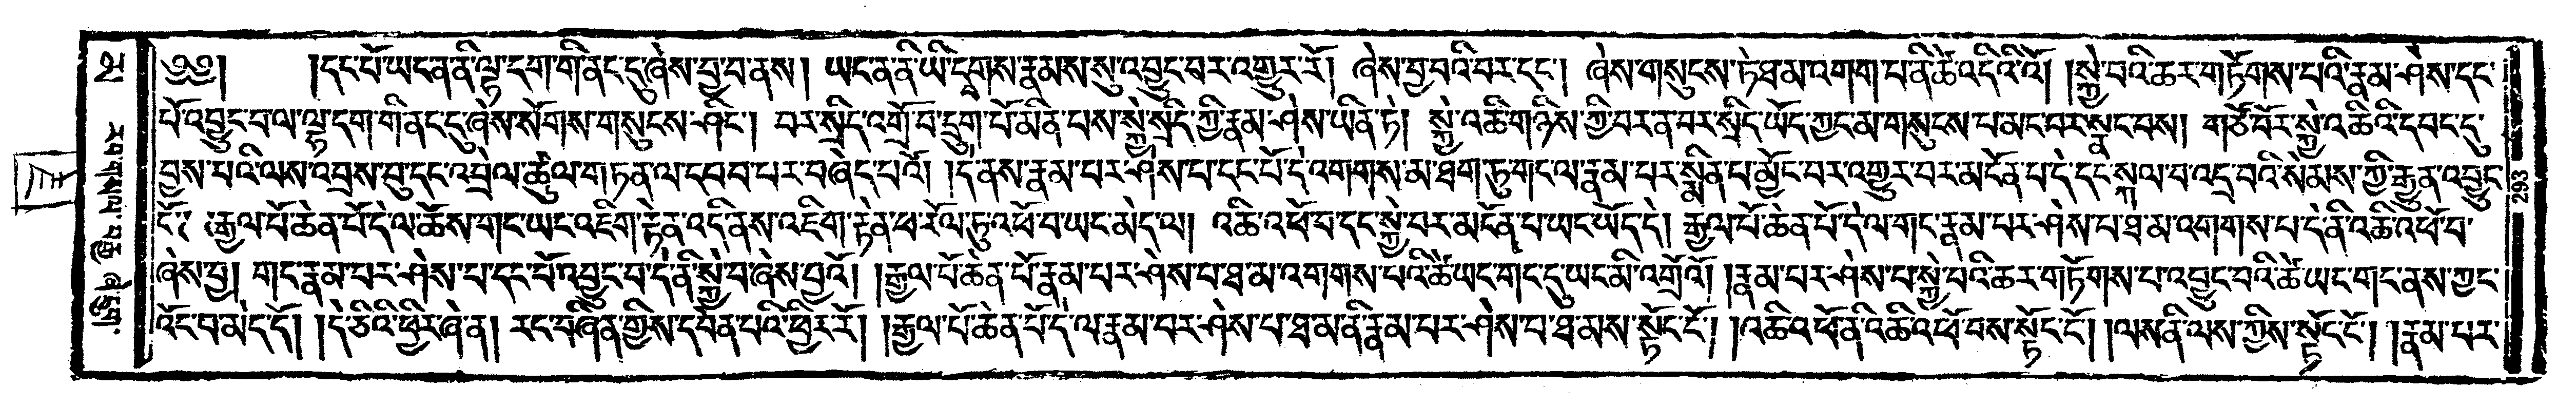༄༅། །དང་པོ་ཡང་ན་ནི་ལྷ་དག་གི་ནང་དུ་ཞེས་བྱ་བ་ནས། ཡང་ན་ནི་ཡི་དྭགས་རྣམས་སུ་འབྱུང་བར་འགྱུར་རོ། ཞེས་བྱ་བའི་བར་དང་། ཞེས་གསུངས་ཏེ་ཐ་མ་འགག་པ་ནི་ཚེ་འདིའི་འོ། །སྐྱེ་བའི་ཆར་གཏོགས་པའི་རྣམ་ཤེས་དང་
པོ་འབྱུང་བ་ལ་ལྷ་དག་གི་ནང་དུ་ཞེས་སོགས་གསུངས་ཤིང་། བར་སྲིད་འགྲོ་བ་དྲུག་པོ་མིན་པས་སྐྱེ་སྲིད་ཀྱི་རྣམ་ཤེས་ཡིན་ཏེ། སྐྱེ་འཆི་གཉིས་ཀྱི་བར་ན་བར་སྲིད་ཡོད་ཀྱང་མ་གསུངས་པ་མང་བར་སྣང་བས། གཙོ་བོར་སྐྱེ་འཆིའི་དབང་དུ་
བྱས་པའི་ལས་འབྲས་བུ་དང་འབྲེལ་ཚུལ་གཏན་ལ་དབབ་པར་བཞེད་པའོ། །དེ་ནས་རྣམ་པར་ཤེས་པ་དང་པོ་དེ་འགགས་མ་ཐག་ཏུ་གང་ལ་རྣམ་པར་སྨིན་པ་མྱོང་བར་འགྱུར་བར་མངོན་པ་དེ་དང་སྐལ་པ་འདྲ་བའི་སེམས་ཀྱི་རྒྱུན་འབྱུང་
ངོ༑ ༑རྒྱལ་པོ་ཆེན་པོ་དེ་ལ་ཆོས་གང་ཡང་འཇིག་རྟེན་འདི་ནས་འཇིག་རྟེན་ཕ་རོལ་ཏུ་འཕོ་བ་ཡང་མེད་ལ། འཆི་འཕོ་བ་དང་སྐྱེ་བར་མངོན་པ་ཡང་ཡོད་དེ། རྒྱལ་པོ་ཆེན་པོ་དེ་ལ་གང་རྣམ་པར་ཤེས་པ་ཐ་མ་འགགས་པ་དེ་ནི་འཆི་འཕོ་བ་
ཞེས་བྱ། གང་རྣམ་པར་ཤེས་པ་དང་པོ་འབྱུང་བ་དེ་ནི་སྐྱེ་བ་ཞེས་བྱའོ། །རྒྱལ་པོ་ཆེན་པོ་རྣམ་པར་ཤེས་པ་ཐ་མ་འགགས་པའི་ཚེ་ཡང་གང་དུ་ཡང་མི་འགྲོའོ། །རྣམ་པར་ཤེས་པ་སྐྱེ་བའི་ཆར་གཏོགས་པ་འབྱུང་བའི་ཚེ་ཡང་གང་ནས་ཀྱང་
འོང་བ་མེད་དོ། །དེ་ཅིའི་ཕྱིར་ཞེ་ན། རང་བཞིན་གྱིས་དབེན་པའི་ཕྱིར་རོ། །རྒྱལ་པོ་ཆེན་པོ་དེ་ལ་རྣམ་པར་ཤེས་པ་ཐ་མ་ནི་རྣམ་པར་ཤེས་པ་ཐ་མས་སྟོང་ངོ། །འཆི་འཕོ་ནི་འཆི་འཕོ་བས་སྟོང་ངོ། །ལས་ནི་ལས་ཀྱིས་སྟོང་ངོ། །རྣམ་པར་